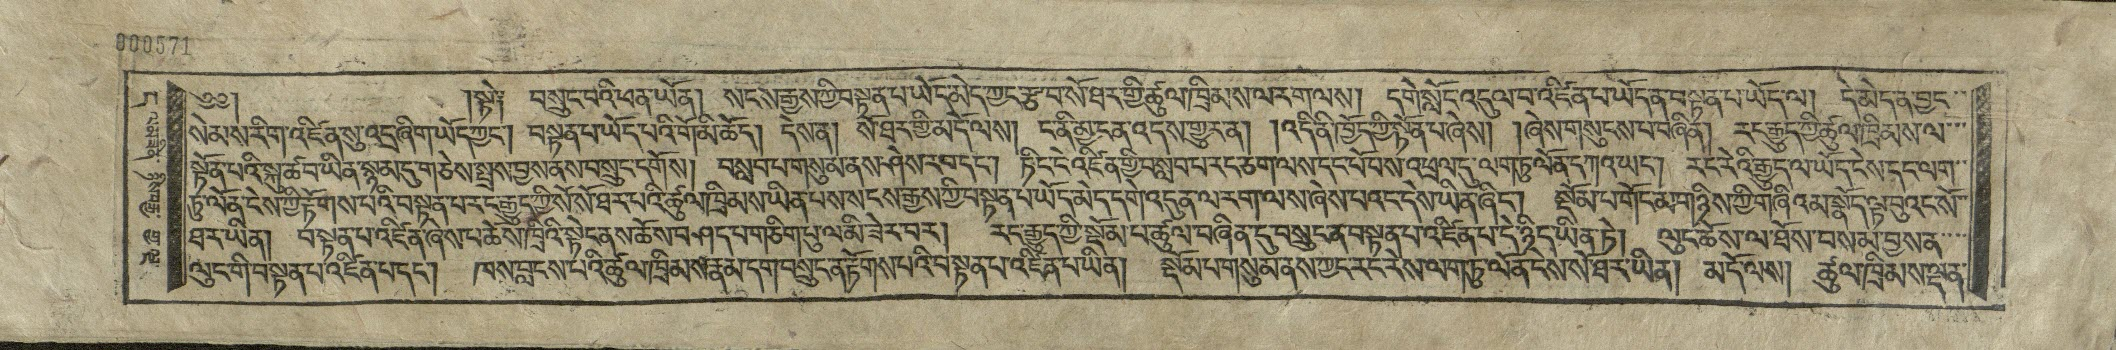༄༅། །སྟེ། གསྲུང་བའི་ཕན་ཡོན། སངས་རྒྱས་ཀྱི་བསྟན་པ་ཡོད་མེད་ཀྱང་རྩ་བ་སོ་ཐར་གྱི་ཚུལ་ཁྲིམས་ལ་རག་ལས། དགེ་སློང་འདུལ་བ་འཛིན་པ་བསྟན་པ་ཡོད་ལ། དེ་མེད་ན་བྱང་
སེམས་རིག་འཛིན་སུ་འདྲ་ཞིག་ཡོད་ཀྱང་། བསྟན་པ་ཡོད་པའི་གོ་མི་ཆོད། དེས་ན། སོ་ཐར་གྱི་མདོ་ལས། ང་ནི་མྱ་ངན་འདས་གྱུར་ན། །འདི་ནི་ཁྱོད་ཀྱི་སྟོན་པ་ཞེས། །ཞེས་གསུངས་པ་བཞིན། རང་རྒྱུད་ཀྱི་ཚུལ་ཁྲིམས་ལ་
སྟོན་པའི་སྐུ་ཚབ་ཡིན་སྙམ་དུ་གཅེས་སྤྲས་བྱས་ནས་བསྲུང་དགོས། བསླབ་པ་གསུམ་ནས་ཤེས་རབ་དང་། ཏིང་ངེ་འཛིན་གྱི་བསླབ་པ་རང་ཅག་ལས་དང་པོ་པས་འཕྲལ་དུ་ལག་ཏུ་ལོན་དཀའ་ཡང་། རང་རེའི་རྒྱུད་ལ་ཡོད་ངེས་དང་ལག་
ཏུ་ལོན་ངེས་ཀྱི་རྟོགས་པའི་བསྟན་པ་རང་རྒྱུད་ཀྱི་སོ་སོ་ཐར་པའི་ཚུལ་ཁྲིམས་ཡིན་པས་སངས་རྒྱས་ཀྱི་བསྟན་པ་ཡོད་མེད་དགེ་འདུན་ལ་རག་ལས་ཞེས་པའང་དེ་ཡིན་ཞིང་། སྡོམ་པ་གོང་མ་གཉིས་ཀྱི་གཞིའམ་སྣོད་ལྟ་བུའང་སོ་
ཐར་ཡིན། བསྟན་པ་འཛིན་ཞེས་པ་ཆོས་ཁྲིའི་སྟེང་ནས་ཆོས་བཤད་པ་གཅིག་པུ་ལ་མི་ཟེར་བར། རང་རྒྱུད་ཀྱི་སྡོམ་པ་ཚུལ་བཞིན་དུ་བསྲུང་ན་བསྟན་པ་འཛིན་པ་དེ་ཉིད་ཡིན་ཏེ། ལུང་ཆོས་ལ་ཐོས་བསམ་བྱས་ན་
ལུང་གི་བསྟན་པ་འཛིན་པ་དང་། ཁས་བླངས་པའི་ཚུལ་ཁྲིམས་རྣམ་དག་བསྲུང་ན་རྟོགས་པའི་བསྟན་པ་འཛིན་པ་ཡིན། སྡོམ་པ་གསུམ་ནས་ཀྱང་རང་རེས་ལག་ཏུ་ལོན་ངེས་སོ་ཐར་ཡིན། མདོ་ལས། ཚུལ་ཁྲིམས་ལྡན་